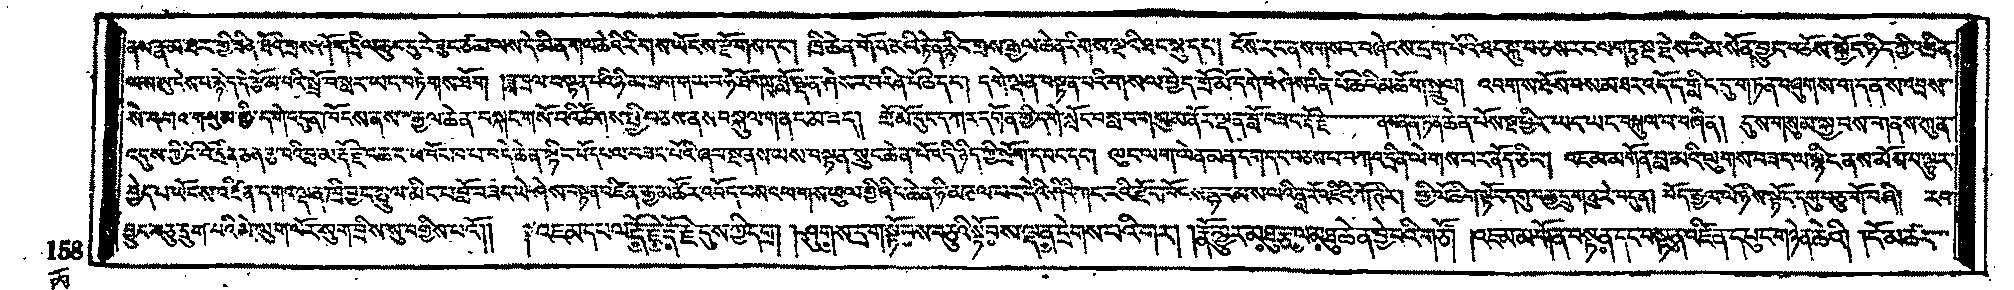ནས་རྣམ་ཐར་གྱི་ཟིན་ཐོའི་གྲས་ཤོག་དྲིལ་ཆུང་ངུ་རེ་ཟུང་ཙམ་ལས་དེ་མིན་གལ་ཆེའི་རིགས་ཡོངས་རྫོགས་དང་། ཁྲི་ཆེན་གོ་བ་མའི་རྟེན་རྙིང་གྲས་རྒྱལ་ཆེན་རིགས་ལྔའི་ཐང་སྐུ་དང་། ངོས་རང་ནས་གསར་བཞེངས་དྲག་པོའི་ཐང་སྐུ་བཅས་རང་ལག་ཏུ་སྔ་རྗེས་རིམ་སོན་བྱུང་བ་ཆོས་སྐྱོང་ཉིད་ཀྱི་འཕྲིན་
ལས་སུ་ངེས་པ་རྙེད་དེ་རྩོམ་པའི་སྤྲོ་བ་སླར་ཡང་བཏེགས་ཐོག །ཟླ་བྲལ་བསྟན་པའི་ཉི་མ་ཐག་གཡབ་ཧོ་ཐོག་ཐུ་བློ་ལྡན་ཤེས་རབ་རིན་པོ་ཆེ་དང་། དགེ་ལྡན་བསྟན་པའི་གསལ་བྱེད་གྲོ་མོ་དགེ་བཤེས་རིན་པོ་ཆེའི་མཆོག་སྤྲུལ། འབག་ས་ཐོས་བསམ་ཐར་འདོད་གླིང་དུ་གཏན་བཞུགས་གདན་ས་འབྲས་
སེ་འགའ་གསུམ་གྱི་དགེ་འདུན་ཁོངས་ནས་༧རྒྱལ་ཆེན་བསྐང་གསོ་བའི་ཚོགས་སྤྱི་བཅས་ནས་བསྐུལ་གནང་མ་ཟད། གྲོ་མོ་དུང་དཀར་དགོན་གྱི་དགེ་སློང་བསླབ་གསུམ་ནོར་ལྡན་བློ་བཟང་རྡོ་རྗེ་ནས་ནན་ཏན་ཆེན་པོས་སྔ་ཕྱིར་ཡང་ཡང་བསྐུལ་བ་བཞིན། དུས་གསུམ་སྐྱབས་གནས་ཀུན་
འདུས་ཀྱི་ངོ་བོ་དྲིན་ཅན་རྩ་བའི་བླ་མ་རྡོ་རྗེ་འཆང་ཕ་བོང་ཁ་པ་བདེ་ཆེན་སྙིང་པོ་དཔལ་བཟང་པོའི་ཞལ་སྔ་ནས་ལས་བསྟན་སྲུང་ཆེན་པོ་འདི་ཉིད་ཀྱི་སྲོག་དབང་དང་། ལུང་ལག་ལེན་མན་ངག་དང་བཅས་པ་བཀའ་དྲིན་ལེགས་པར་ནོད་ཅིང་། འཇམ་མགོན་བླ་མའི་ལུགས་བཟང་ལ་སྙིང་ནས་མོས་པ་ལྷུར་
བྱེད་པ་ཡོངས་འཛིན་དགའ་ལྡན་ཁྲི་བྱང་སྤྲུལ་མིང་པ་བློ་བཟང་ཡེ་ཤེས་བསྟན་འཛིན་རྒྱ་མཚོར་འབོད་པས་འཕགས་ཡུལ་གྱི་ཞིང་ཆེན་ཧི་མ་ཅལ་པར་དེའི་ཤིའི་ཀང་རའི་རྫོང་ཁོངས་དྷ་རམ་ས་ལའི་ནཱ་རོ་འཇིའི་ཀོ་ཊིར། ཕྱི་ལོ་ཚིག་སྟོང་དགུ་བརྒྱ་དྲུག་ཅུ་རེ་བདུན། བོད་རྒྱལ་ལོ་ཉིས་སྟོང་དགུ་བཅུ་གོ་བཞི། རབ་
བྱུང་བཅུ་དྲུག་པའི་མེ་ལུག་ལོར་སུག་བྲིས་སུ་བགྱིས་པའོ།། ༈ འཇམ་དཔལ་རྡོ་རྗེ་རྡོ་རྗེ་དུས་ཀྱི་དགྲ། །ཤུགས་དྲག་སྟོབས་བཅུའི་སྟོབས་ལྡན་དྲེགས་པའི་གར། །རྣོ་མྱུར་མཐུ་རྩལ་མཐུ་ཆེན་བྱེ་བའི་གཙོ། །འཇམ་མགོན་བསྟན་དང་བསྟན་འཛིན་དཔུང་གཉེན་ཆེའི། །ངོ་མཚར་